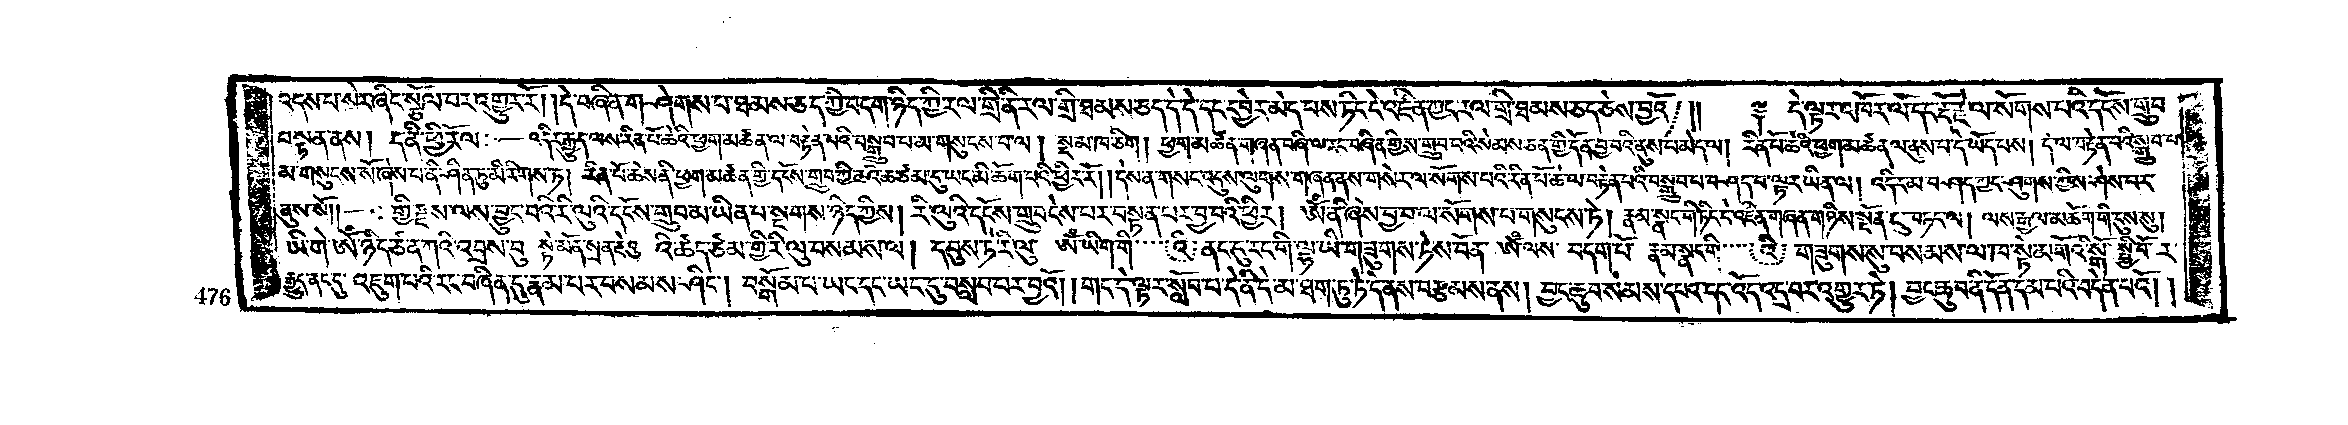འདས་པ་སྟེར་ཞིང་སྩོལ་བར་འགྱུར་རོ། །དེ་བཞིན་གཤེགས་པ་ཐམས་ཅད་ཀྱི་བདག་ཉིད་ཀྱི་རལ་གྲི་ནི་རལ་གྲི་ཐམས་ཅད་དེ་དེ་དང་དབྱེར་མེད་པས་ཏིང་ངེ་འཛིན་ཀྱང་རལ་གྲི་ཐམས་ཅད་ཅེས་བྱའོ།། ༈ དེ་ལྟར་འཁོར་ལོ་དང་རྡོ་རྗེ་ལ་སོགས་པའི་དངོས་གྲུབ་
བསྟན་ནས། ད་ནི་ཕྱི་རོལ་H.་འདིར་རྒྱུད་ལས་རིན་པོ་ཆེའི་ཕྱག་མཚན་ལ་བརྟེན་པའི་བསྒྲུབ་པ་མ་གསུངས་པ་ལ། སྔ་མ་ཁ་ཅིག །ཕྱག་མཚན་གཞན་བཞི་ལ་རང་བཞིན་གྱིས་གྲུབ་པའི་སེམས་ཅན་གྱི་དོན་བྱ་བའི་ནུས་པ་མེད་ལ། རིན་པོ་ཆེའི་ཕྱག་མཚན་ལ་ནུས་པ་དེ་ཡོད་པས། དེ་ལ་བརྟེན་པའི་སྒྲུབ་པ་
མ་གསུངས་སོ་ཞེས་པ་ནི་ཤིན་ཏུ་མི་རིགས་ཏེ། རིན་པོ་ཆེས་ནི་ཕྱག་མཚན་གྱི་དངོས་གྲུབ་ཀྱི་ཆའི་ཆ་ཙམ་དུ་ཡང་མི་ཆོག་པའི་ཕྱིར་རོ། །དེས་ན་གསང་འདུས་ལུགས་གཞན་ནས་གསེར་ལ་སོགས་པའི་རིན་པོ་ཆེ་ལ་བརྟེན་པའི་བསྒྲུབ་པ་བཤད་པ་ལྟར་ཡིན་ལ། འདིར་མ་བཤད་ཀྱང་ཤུགས་ཀྱིས་ཤེས་པར་
ནུས་སོ།། .H གྱི་རྫས་ལས་བྱུང་བའི་རི་ལུའི་དངོས་གྲུབ་མ་ཡིན་པ་སྔགས་ཉིད་ཀྱིས། རི་ལུའི་དངོས་གྲུབ་ངེས་པར་བསྟན་པར་བྱ་བའི་ཕྱིར། ཨོཾ་ནི་ཞེས་བྱ་བ་ལ་སོགས་པ་གསུངས་ཏེ། རྣམ་སྣང་གི་ཏིང་ངེ་འཛིན་གཞན་གཉིས་སྔོན་དུ་བཏང་ལ། ལས་རྒྱལ་མཆོག་གི་དུས་སུ།
ཡི་གེ་ཨོཾ་ཉིད་ཙ་ན་ཀའི་འབྲས་བུ་སྟེ་མོན་སྲན་རྗེའུའི་ཚད་ཙམ་གྱི་རི་ལུ་བསམས་ལ། དབུས་ཏེ་རི་ལུ་ཨོཾ་ཡིག་གིའི་ནང་དུ་རང་གི་ལྷ་ཡི་གཟུགས་ཏེ་ས་བོན་ཨོཾ་ལས་བདག་པོ་རྣམ་སྣང་གིའི་གཟུགས་སུ་བསམས་ལ་ཁ་སྟེ་མགོའི་སྒོ་སྤྱི་བོ་ར་
རླུང་ནང་དུ་འཇུག་པའི་རང་བཞིན་དུ་རྣམ་པར་བསམས་ཤིང་། བསྒོམ་པ་ཡང་དང་ཡང་དུ་བསླབ་པར་བྱའོ། །གང་དེ་ལྟར་སློབ་པ་དེ་ནི་དེ་མ་ཐག་ཏུ་ཏེ་དེ་ནས་བརྩམས་ནས། བྱང་ཆུབ་སེམས་དཔའ་དང་འོད་འདྲ་བར་འགྱུར་ཏེ། བྱང་ཆུབ་ནི་དོན་དམ་པའི་བདེན་པའོ། །